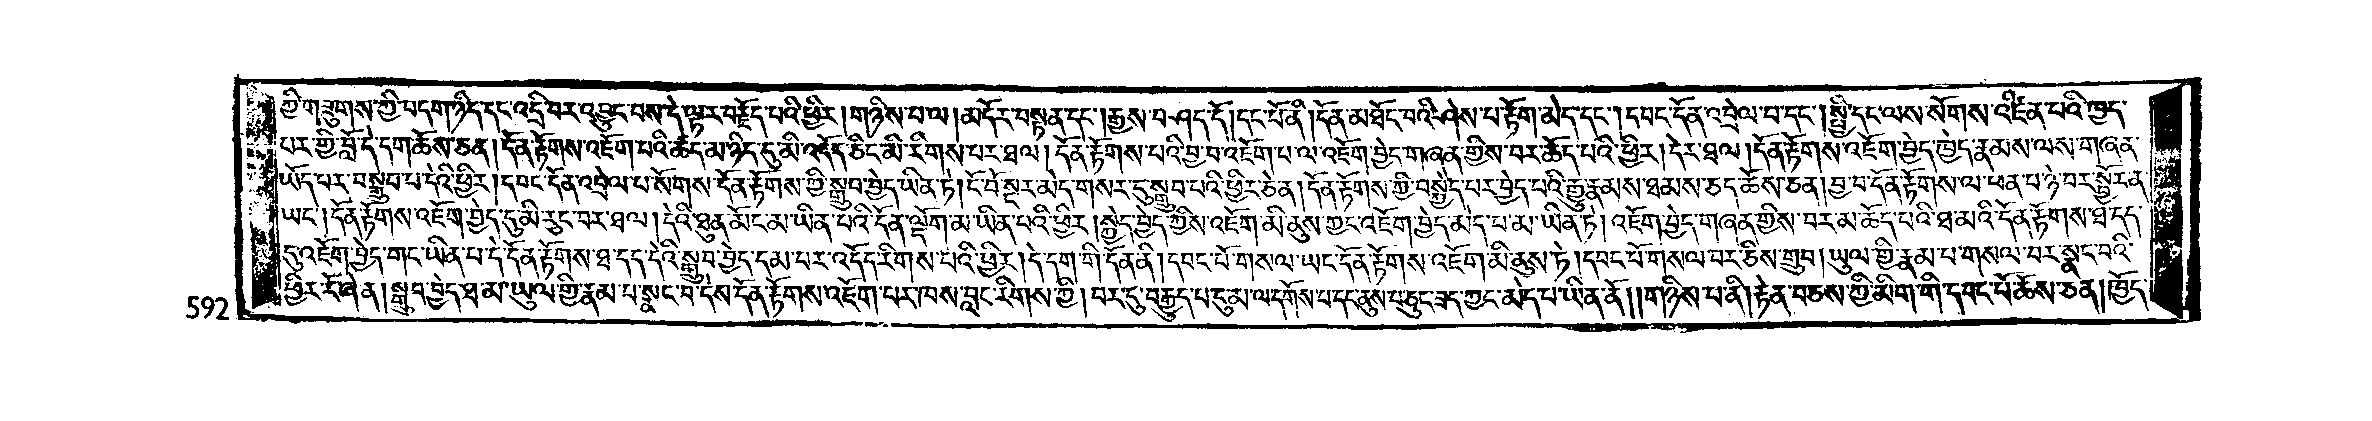ཀྱི་གཟུགས་ཀྱི་བདག་ཉིད་དང་འདྲི་བར་འབྱུང་བས་དེ་ལྟར་བརྗོད་པའི་ཕྱིར། གཉིས་པ་ལ། མདོར་བསྟན་དང་། རྒྱས་བཤད་དོ། དང་པོ་ནི། དོན་མཐོང་བའི་ཤེས་པ་རྟོག་མེད་དང་། དབང་དོན་འབྲེལ་པ་དང་། སྤྱི་དང་ལས་སོགས་འཛིན་པའི་ཁྱད་
པར་གྱི་བློ་དེ་དག་ཆོས་ཅན། དོན་རྟོགས་འཇོག་པའི་ཚད་མ་ཉིད་དུ་མི་འདོད་ཅིང་མི་རིགས་པར་ཐལ། དོན་རྟོགས་པའི་བྱ་བ་འཇོག་པ་ལ་འཇོག་བྱེད་གཞན་གྱིས་བར་ཆོད་པའི་ཕྱིར། དེར་ཐལ། དོན་རྟོགས་འཇོག་བྱེད་ཁྱེད་རྣམས་ལས་གཞན་
ཡོད་པར་བསྒྲུབ་པ་དེའི་ཕྱིར། དབང་དོན་འབྲེལ་པ་སོགས་དོན་རྟོགས་ཀྱི་སྒྲུབ་བྱེད་ཡིན་ཏེ། ངོ་བོ་སྔར་མེད་གསར་དུ་སྒྲུབ་པའི་ཕྱིར་ཅེ་ན། དོན་རྟོགས་ཀྱི་བསྐྱེད་པར་བྱེད་པའི་རྒྱུ་རྣམས་ཐམས་ཅད་ཆོས་ཅན། བྱ་བ་དོན་རྟོགས་ལ་ཕན་པ་ཉེ་བར་སྦྱོར་ན་
ཡང་། དོན་རྟོགས་འཇོག་བྱེད་དུ་མི་རུང་བར་ཐལ། དེའི་ཐུན་མོང་མ་ཡིན་པའི་དོན་ལྡོག་མ་ཡིན་པའི་ཕྱིར། སྐྱེད་བྱེད་ཀྱིས་འཇོག་མི་ནུས་ཀྱང་འཇོག་བྱེད་མེད་པ་མ་ཡིན་ཏེ། འཇོག་བྱེད་གཞན་གྱིས་བར་མ་ཆོད་པའི་ཐ་མའི་དོན་རྟོགས་ཐ་དད་
དུ་འཇོག་བྱེད་གང་ཡིན་པ་དེ་དོན་རྟོགས་ཐ་དད་དེའི་སྒྲུབ་བྱེད་དམ་པར་འདོད་རིགས་པའི་ཕྱིར། དེ་དག་གི་དོན་ནི། དབང་པོ་གསལ་ཡང་དོན་རྟོགས་འཇོག་མི་ནུས་ཏེ། དབང་པོ་གསལ་བར་ཅིས་གྲུབ། ཡུལ་གྱི་རྣམ་པ་གསལ་བར་སྣང་བའི་
ཕྱིར་རོ་ཞེ་ན། སྒྲུབ་བྱེད་ཐ་མ་ཡུལ་གྱི་རྣམ་པ་སྣང་བ་དེས་དོན་རྟོགས་འཇོག་པར་ཁས་བླང་རིགས་ཀྱི། བར་དུ་བརྒྱུད་པ་དུ་མ་ལ་དགོས་པ་དང་ནུས་པ་ཅུང་ཟད་ཀྱང་མེད་པ་ཡིན་ནོ། །གཉིས་པ་ནི། རྟེན་བཅས་ཀྱི་མིག་གི་དབང་པོ་ཆོས་ཅན། ཁྱོད་